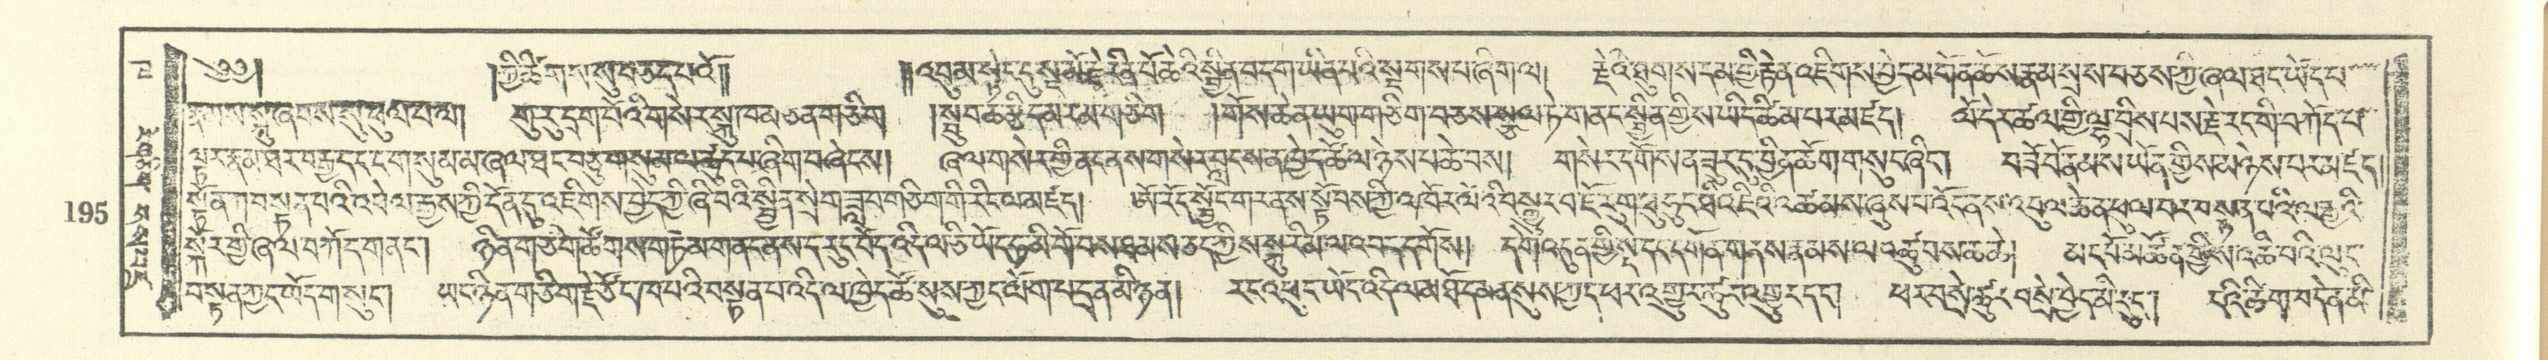༄༅། །ཀྱི་ཚིགས་སུ་བཅད་པའོ།། །།འབུམ་སྟེང་དུ་སྔ་མོ་རྗེ་རིན་པོ་ཆེའི་སྦྱིན་བདག་ཡིན་པའི་སྔགས་པ་ཞིག་ལ། རྗེའི་ཐུགས་དམ་གྱི་རྟེན་འཇིགས་བྱེད་མགོན་ཆོས་རྣམ་སྲས་བཅས་ཀྱི་ཞལ་ཐང་ཡོད་པ་
རྣམས་སྐུ་ཞབས་སུ་ཕུལ་པ་ལ། གུ་རུ་དྲག་པོའི་གསེར་སྐུ་ཁམ་ཅན་གཅིག །སྦུབ་ཆ་རྩི་དམར་མ་གཅིག །གོས་ཆེན་ཡུག་གཅིག་བཅས་སྩལ་ཏེ་གནད་སྦྱིན་གྱིས་ཡིད་ཚིམ་པར་མཛད། ཐོ་དེར་ཚལ་གྱི་ལྷ་བྲིས་པས་རྗེ་རང་གི་བཀོད་པ་
ལྟར་རྣམ་ཐར་བརྒྱ་དང་ང་གསུམ་མ་ཞལ་ཐང་བཅུ་གསུམ་ལ་ཚུད་པ་ཞིག་བཞེངས། ཞལ་གསེར་གྱི་ནང་ནས་གསེར་བླངས་ན་ཁྱེད་ཚོ་ལ་ཉེས་པ་ཆེ་བས། གསེར་དགོས་ན་ཟུར་དུ་བྱིན་ཆོག་གསུང་ཞིང་། བཟོ་བོ་རྣམས་ཡོན་གྱིས་མཉེས་པར་མཛད།
སྟོན་ཀ་བསྟན་པའི་འཕེལ་རྒྱས་ཀྱི་དོན་དུ་འཇིགས་བྱེད་ཀྱི་ཞི་བའི་སྦྱིན་སྲེག་ཟླ་བ་གཅིག་གི་རིང་ལ་མཛད། ཨོ་རོད་སྦྱོང་གར་ནས་སྟོབས་ཀྱི་འཁོར་ལོའི་བསྒྱུར་བ་ཇོ་རུག་ཐུ་ཧུང་ཐི་འཇིའི་འཚམས་ཞུས་པ་འོད་ནས་འབུལ་ཆེན་ཕུལ་བར་བསྟན་པའི་ལ་རྒྱའི་
སྐོར་གྱི་ཞལ་བཀོད་གནང་། ཉིན་གཅིག་ཚོགས་གཏམ་གནང་ནས་ད་རུང་བོད་འདི་ལ་ཅི་ཡོང་ཧ་མི་གོ་བས་ཐམས་ཅད་ཀྱིས་སྐུ་རིམ་ལ་འབད་དགོས། དགེ་འདུན་གྱི་སྡེ་དང་དགོན་གནས་རྣམས་ལ་འཚུབས་ཆ་ཆེ། མང་པོ་མཚོན་གྱིས་འཆི་བའི་ལུང་
བསྟན་ཀྱང་ཡོད་གསུང་། ཡང་ཉིན་གཅིག་རྗེ་ཙོང་ཁ་པའི་བསྟན་པ་འདི་ལ་ཁྱེད་ཚོ་སུས་ཀྱང་ལོག་པ་དྲན་མི་ཉན། རང་འཕུང་ཡོང་འདི་ལ་མཐོ་དམན་སུས་ཀྱང་ཕར་འགྱུར་ཚུར་འགྱུར་དང་། ཕར་བསྲེ་ཚུར་བསྲེ་བྱེད་མི་རུང་། དའི་ཚིག་བདེན་མི་